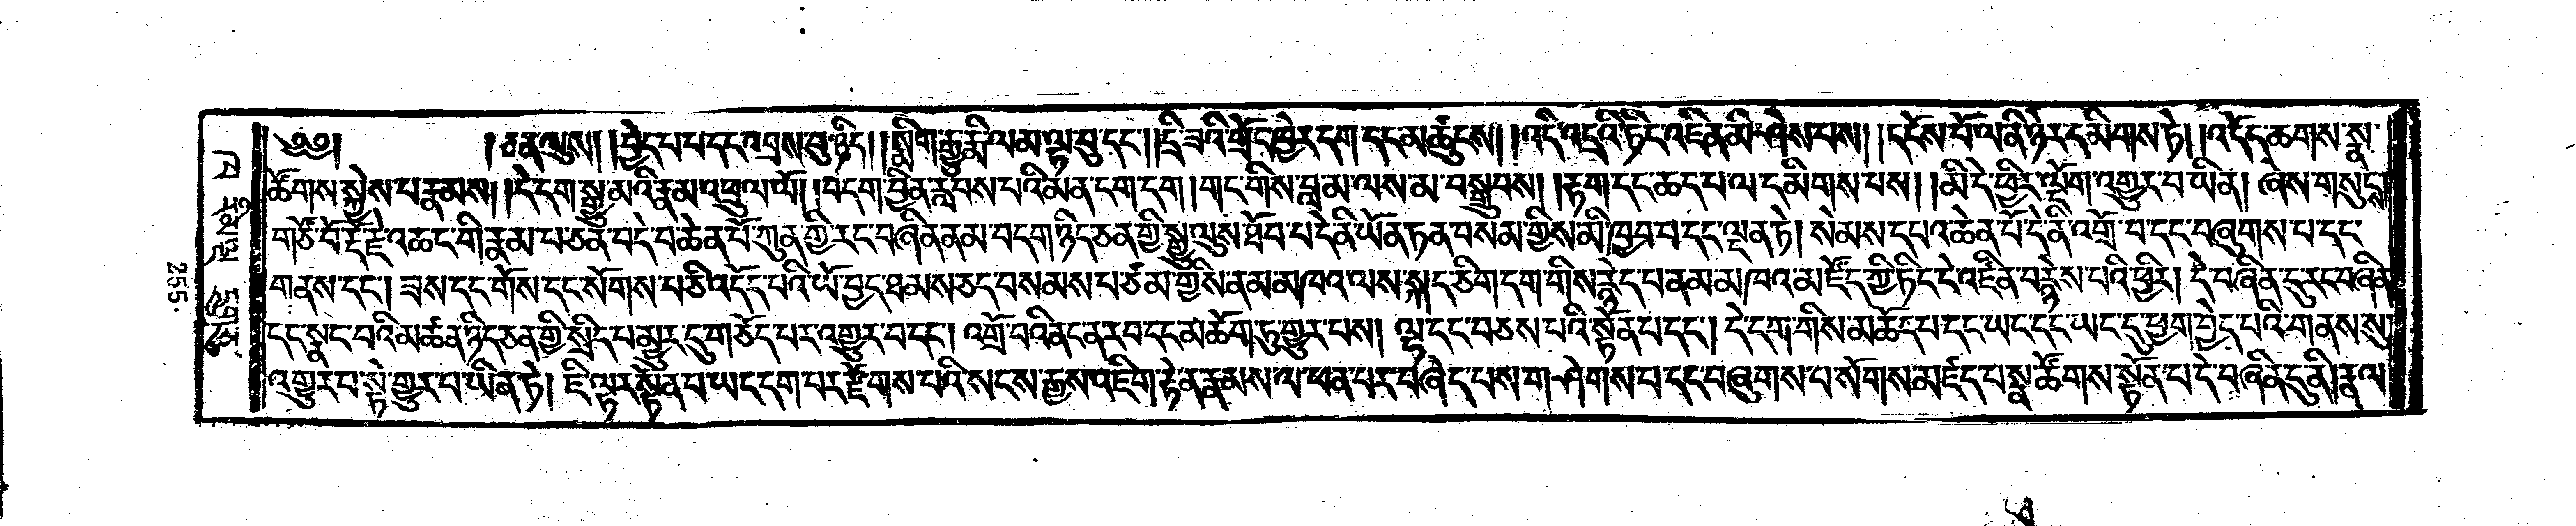༄༅། །ཅན་ལུས། །བྱེད་པ་པོ་དང་འབྲས་བུ་ཉིད། །སྨིག་རྒྱུ་རྨི་ལམ་ལྟ་བུ་དང་། །དྲི་ཟའི་གྲོང་ཁྱེར་དག་དང་མཚུངས། །འདི་འདྲའི་ཏིང་འཛིན་མི་ཤེས་པས། །དངོས་པོ་ལ་ནི་ཉེར་དམིགས་ཏེ། །འདོད་ཆགས་སྣ་
ཚོགས་སྐྱེས་པ་རྣམས། །དེ་དག་སྒྱུ་མའི་རྣམ་འཕྲུལ་ལོ། །བདག་བྱིན་རླབས་པའི་མན་ངག་དག །གང་གིས་བླ་མ་ལས་མ་བསྒྲུབས། །རྟག་དང་ཆད་པ་ལ་དམིགས་པས། །མི་དེ་ཕྱིར་ལྡོག་འགྱུར་བ་ཡིན། ཞེས་གསུངས་
གཙོ་བོ་རྡོ་རྗེ་འཆང་གི་རྣམ་པ་ཅན་བདེ་བ་ཆེན་པོ་ཀུན་གྱི་རང་བཞིན་ནམ་བདག་ཉིད་ཅན་གྱི་སྒྱུ་ལུས་ཐོབ་པ་དེ་ནི་ཡོན་ཏན་བསམ་གྱིས་མི་ཁྱབ་པ་དང་ལྡན་ཏེ། སེམས་དཔའ་ཆེན་པོ་དེ་ནི་འགྲོ་བ་དང་བཞུགས་པ་དང་
གནས་དང་། ཟས་དང་གོས་དང་སོགས་པ་ཅི་འདོད་པའི་ཡོ་བྱད་ཐམས་ཅད་བསམས་པ་ཙམ་གྱིས་ནམ་མཁའ་ལས་སྐད་ཅིག་དག་གིས་རྙེད་པ་ནམ་མཁའ་མཛོད་ཀྱི་ཏིང་ངེ་འཛིན་བརྙེས་པའི་ཕྱིར། དེ་བཞིན་དུ་རང་བཞིན་
དང་སྣང་བའི་མཚན་ཉིད་ཅན་གྱི་སྲིད་པ་མྱུར་དུ་གཅོད་པར་འགྱུར་བ་དང་། འགྲོ་བའི་ནང་ན་རབ་དང་མཆོག་ཏུ་གྱུར་པས། ལྷ་དང་བཅས་པའི་སྟོན་པ་དང་། དེ་དག་གིས་མཆོད་པ་དང་ཡང་དང་ཡང་དུ་ཕྱག་བྱེད་པའི་གནས་སུ་
འགྱུར་བ་སྟེ་གྱུར་པ་ཡིན་ཏེ། ཇི་ལྟར་སྟོན་པ་ཡང་དག་པར་རྫོགས་པའི་སངས་རྒྱས་འཇིག་རྟེན་རྣམས་ལ་ཕན་པར་བཞེད་པས་གཤེགས་པ་དང་བཞུགས་པ་སོགས་མཛད་པ་སྣ་ཚོགས་སྟོན་པ་དེ་བཞིན་དུ་ནི། རྣལ་